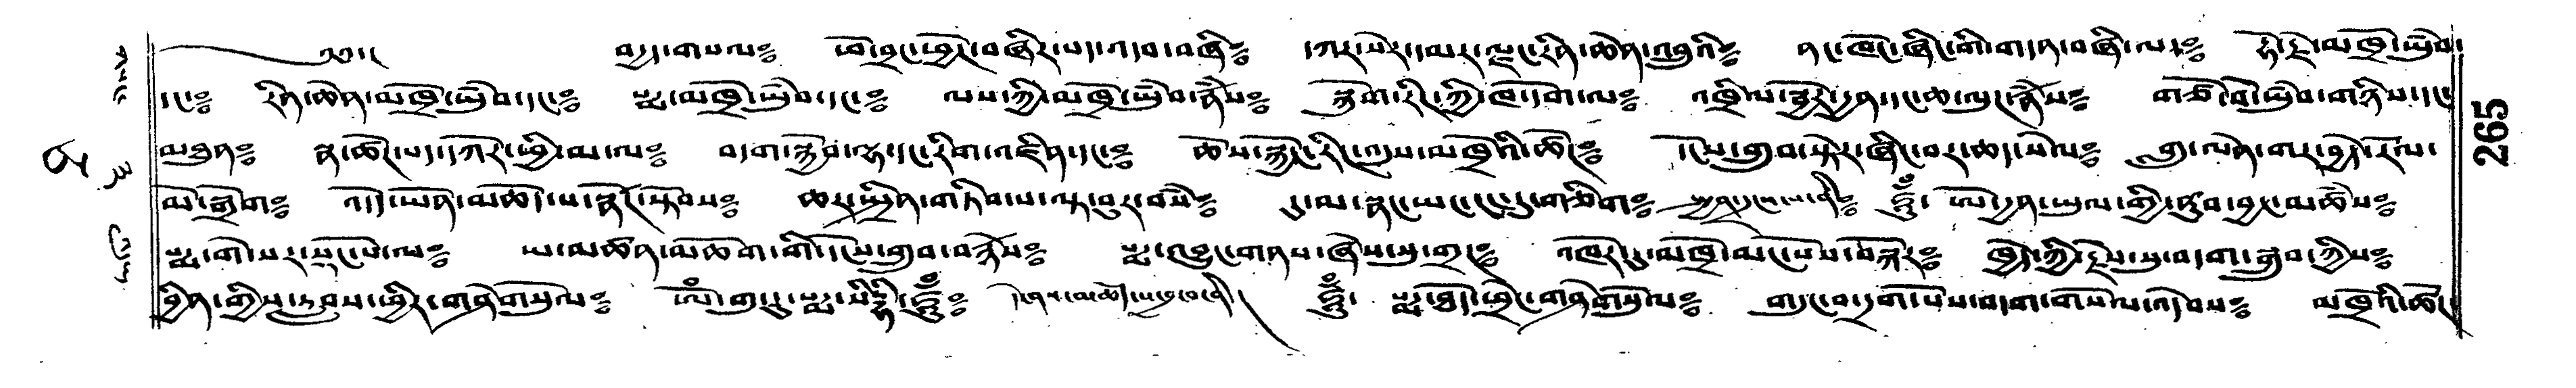བརྒྱད་གསལ༔ ཕོ་བྲང་ཕྱོགས་བཞིར་པད་འདབ་བཞི༔ དཀར་སེར་དམར་ལྗང་རིན་ཆེན་འབྲུའྀ༔ ནང་ཁོང་ཞིང་གི་གདན་བཞི་ལ༔ རྡོ་རྗེ་མཁའ་འགྲོ་ཡབ་ཡུམ་
དང༔ རིན་ཆེན་མཁའ་འགྲོ་ཡབ་ཡུམ་དང༔ པདྨ་མཁའ་འགྲོ་ཡབ་ཡུམ་དང༔ ལས་ཀྱི་མཁའ་འགྲོ་ཡབ་ཡུམ་རྣམས༔ སྐུ་མདོག་རིགས་ཀྱི་ཁ་དོག་ལ༔ འཁྲིལ་སྦྱོར་རྒྱན་དང་ཆ་ལུགས་རྣམས༔ གཙོ་བོ་ཡབ་ཡུམ་གཉིས་དང་
མཐུན༔ སྣ་ཚོགས་པད་སྐོར་ཕྱི་མ་ལ༔ བདག་སྐྱོབ་ལྷ་དང་རིག་འཛིན་དང༔ཆོས་སྐྱོང་རིགས་འདུས་མཁའ་འགྲོའི་ཚོགས༔ དངོས་གྲུབ་སྟེར་ཞིང་བར་ཆད་སེལ༔ གླུ་ལེན་གར་བྱེད་རོལ་
མོ་འཁྲོལ༔ འདོད་ཡོན་མཆོད་པ་སྣ་ཚོགས་སྟོབ༔ ཆར་སྤྲིན་གཏིབས་པ་ལྟ་བུར་བསམ༔ དུ་མ་སྣང་ཡང་ངང་དུ་གཅིག༔ སྤྱན་དྲངས་པ་ནི། ཧཱུྃ༔ ཨོ་རྒྱན་ཡུལ་གྱི་ནུབ་བྱང་མཚམས༔ 
པདྨ་གེ་སར་སྡོང་པོ་ལ༔ ཡ་མཚན་མཆོག་གི་དངོས་གྲུབ་བརྙེས༔ པདྨ་འབྱུང་གནས་ཞེས་སུ་གྲགས༔ འཁོར་དུ་མཁའ་འགྲོ་མང་པོས་བསྐོར༔ ཁྱེད་ཀྱི་རྗེས་སུ་བདག་སྒྲུབ་ཀྱིས༔ 
བྱིན་གྱི་རློབ་ཕྱིར་གཤེགས་སུ་གསོལ༔ ཨོཾ་གུ་རུ་པདྨ་སིདྡྷི་ཧཱུྃ༔ དེ་ནས་མཆོད་པ་བྱ་བ་ནི། ཧཱུྃ༔ པདྨ་ཐོད་ཕྲེང་གཤེགས་སུ་གསོལ༔ གདུང་བ་དྲག་པོས་བདག་གསོལ་འདེབས༔ མཁའ་འགྲོའི་ཚོགས་